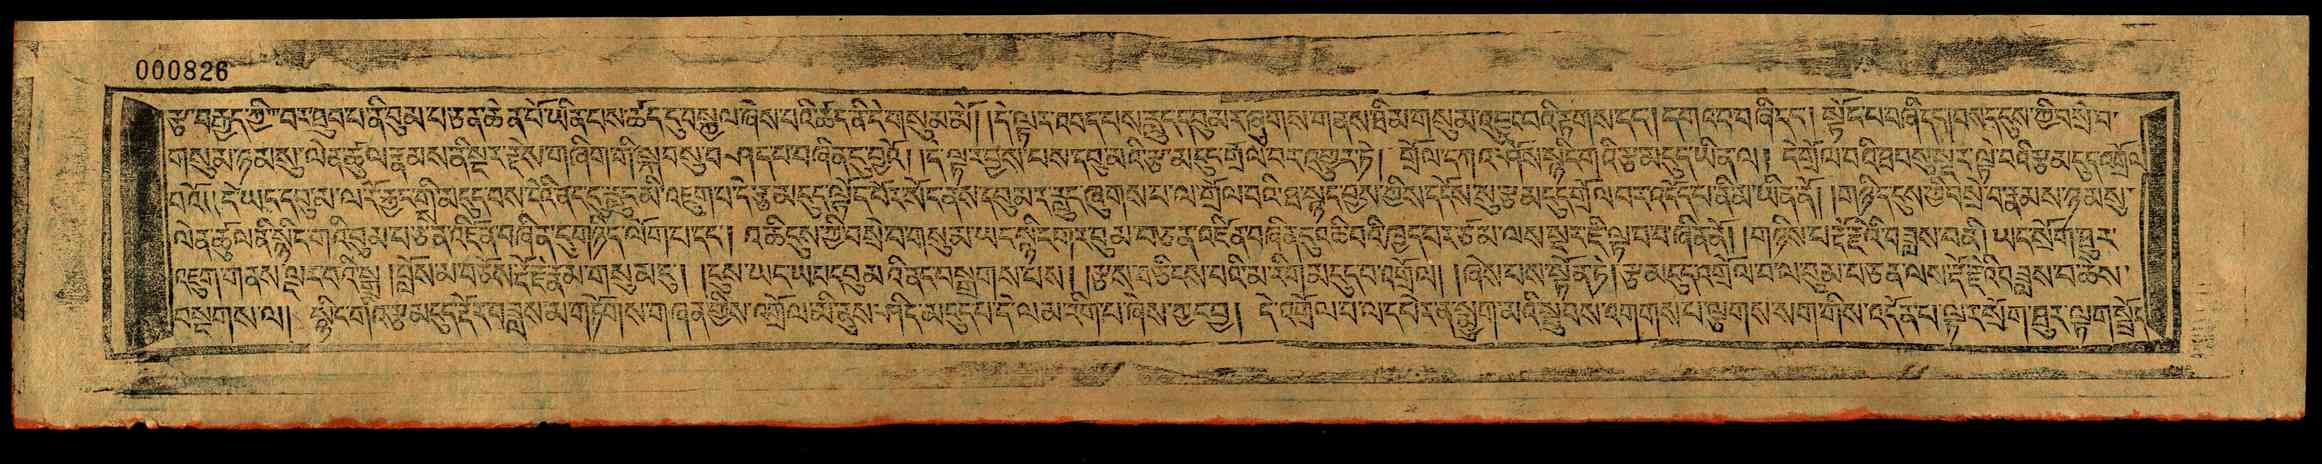རྩ་བརྒྱད་ཀྱི་བར་ཐུབ་པ་ནི་བུམ་པ་ཅན་ཆེན་པོ་ཡིན་པས་ཚད་དུ་བསྐྱལ་ཞེས་པའི་ཚད་ནི་དེ་གསུམ་མོ། །དེ་ལྟར་འབད་པས་རླུང་དབུ་མར་ཞུགས་གནས་ཐིམ་གསུམ་འབྱུང་བའི་རྟགས་དང་། དགའ་བ་བཞི་དང་། སྟོང་པ་བཞི་དང་། བསད་དུས་ཀྱི་བསྲེ་བ་
གསུམ་ཉམས་སུ་ལེན་ཚུལ་རྣམས་ནི་སྔར་རྗེས་གཞིག་གི་སྐབས་སུ་བཤད་པ་བཞིན་དུ་བྱའོ། །དེ་ལྟར་བྱས་པས་དབུ་མའི་རྩ་མདུད་གྲོལ་བར་འགྱུར་ཏེ། གྲོལ་དཀའ་ཤོས་སྙིང་གའི་རྩ་མདུད་ཡིན་ལ། དེ་གྲོལ་བའི་ཐབས་སུ་སྔར་ལྟེ་བའི་རྩ་མདུད་འགྲོལ་
བའོ༑ ༑དེ་ཡང་དབུ་མ་ལ་རོ་རྐྱང་གིས་མདུད་བས་དེའི་ནང་དུ་རླུང་མི་འཇུག་པ་དེ་རྩ་མདུད་ལྷོད་པོར་སོང་ནས་དབུ་མར་རླུང་ཞུགས་པ་ལ་གྲོལ་བའི་ཐ་སྙད་བྱས་ཀྱིས་དངོས་སུ་རྩ་མདུད་གྲོལ་བར་འདོད་པ་ནི་མ་ཡིན་ནོ། །གཉིད་དུས་ཀྱི་བསྲེ་བ་རྣམས་ཉམས་སུ་
ལེན་ཚུལ་ནི་སྙིང་གའི་བུམ་པ་ཅན་འཛིན་བཞིན་དུ་གཉིད་ལོག་པ་དང་། འཆི་དུས་ཀྱི་བསྲེ་བ་གསུམ་ཡང་སྙིང་གར་བུམ་པ་ཅན་འཛིན་བཞིན་དུ་འཆི་བའི་ཁྱད་པར་ཙམ་ལས་སྔར་ཇི་ལྟ་བ་བཞིན་ནོ། །གཉིས་པ་རྡོ་རྗེའི་བཟླས་པ་ནི། ཡང་སྲོག་ཐུར་
འཇུག་གནས་ལྔང་བའི་སྒྲ། །བློས་མ་བཅོས་རྡོ་རྗེ་རྣམ་གསུམ་དུ། །དུས་ཡང་ཡང་དབུ་མའི་ནང་བསྒྲགས་པས། །རྩས་བཅིངས་པའི་མ་རིག་མདུད་པ་འགྲོལ། །ཞེས་པས་སྟོན་ཏེ། རྩ་མདུད་འགྲོ་བ་ལ་བུམ་པ་ཅན་ལས་རྡོ་རྗེའི་བཟླས་པ་ཆེས་
བསྔགས་ལ། སྙིང་གའི་རྩ་མདུད་རྡོར་བཟླས་མ་གཏོགས་གཞན་གྱིས་འགྲོ་མི་ནུས་ཤིང་མདུད་པ་དེ་ལ་མ་རིག་པ་ཞེས་ཀྱང་བྱ། དེ་འགྲོལ་བ་ལ་དཔེར་ན་སྨྱུག་མའི་སྦུབས་འགགས་པ་ལྕགས་སག་གིས་འདོན་པ་ལྟར་སྲོག་ཐུར་ལྟག་སྤྲོད་